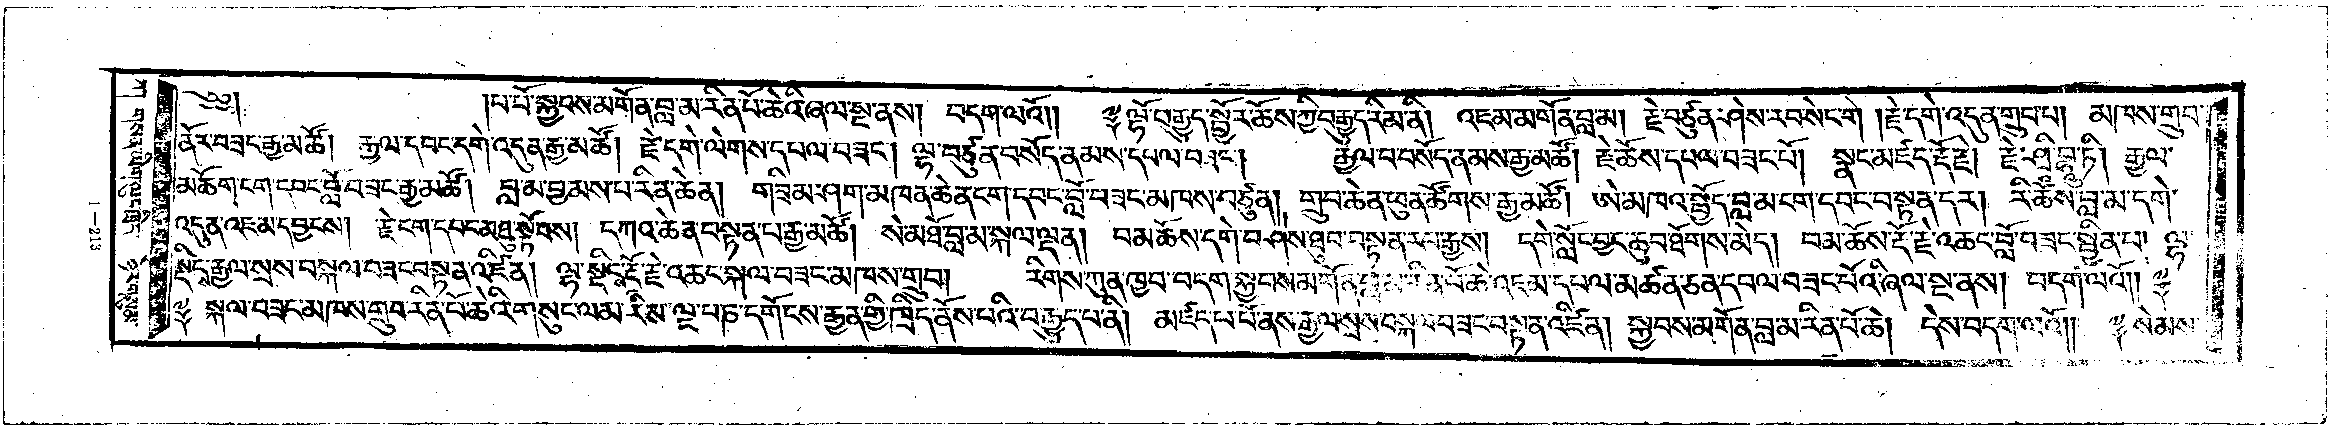༄༅། །པ་པོ་སྐྱབས་མགོན་བླ་མ་རིན་པོ་ཆེའི་ཞལ་སྔ་ནས། བདག་ལའོ།། འ་ལྷོ་བརྒྱུད་སྦྱོར་ཆོས་ཀྱི་བརྒྱུད་རིམ་ནི། འཇམ་མགོན་བླ་མ། རྗེ་བཙུན་ཤེས་རབ་སེང་གེ །རྗེ་དགེ་འདུན་གྲུབ་པ། མཁས་གྲུབ་
ནོར་བཟང་རྒྱ་མཚོ། རྒྱལ་དབང་དགེ་འདུན་རྒྱ་མཚོ། རྗེ་དགེ་ལེགས་དཔལ་བཟང་། ལྷ་བཙུན་བསོད་ནམས་དཔལ་བཟང་། རྒྱལ་བ་བསོད་ནམས་རྒྱ་མཚོ། རྗེ་ཆོས་དཔལ་བཟང་པོ། སྣང་མཛད་རྡོ་རྗེ། རྗེ་ཤྲཱི་བྷཱུ་ཏི། རྒྱལ་
མཆོག་ངག་དབང་བློ་བཟང་རྒྱ་མཚོ། བླ་མ་བྱམས་པ་རིན་ཆེན། གཟིམ་ཤག་མཁན་ཆེན་ངག་དབང་བློ་བཟང་མཁས་བཙུན། གྲུབ་ཆེན་ཕུན་ཚོགས་རྒྱ་མཚོ། ཨེ་མཁའ་སྦྱོད་བླ་མ་ངག་དབང་བསྟན་དར། རི་ཆོས་བླ་མ་དགེ་
འདུན་འཇམ་དབྱངས། རྗེ་ངག་དབང་མཐུ་སྟོབས། དཀའ་ཆེན་བསྟན་པ་རྒྱ་མཚོ། སེ་མཐོ་བླ་མ་སྐལ་ལྡན། བམ་ཆོས་དགེ་བཤེས་ཐུབ་བསྟན་རབ་རྒྱས། དགེ་སློང་བྱང་ཆུབ་ཐོགས་མེད། བམ་ཆོས་རྡོ་རྗེ་འཆང་བློ་བཟང་སྦྱིན་པ། ལྷ་
སྡིངས་རྒྱལ་སྲས་བསྐལ་བཟང་བསྟན་འཛིན། ལྷ་སྡིངས་རྡོ་རྗེ་འཆང་སྐལ་བཟང་མཁས་གྲུབ། རིགས་ཀུན་ཁྱབ་བདག་སྐྱབས་མགོན་བླ་མ་རིན་པོ་ཆེ་འཇམ་དཔལ་མཚན་ཅན་དཔལ་བཟང་པོའི་ཞལ་སྔ་ནས། བདག་ལའོ།། འ་
འ་སྐལ་བཟང་མཁས་གྲུབ་རིན་པོ་ཆེའི་གསུང་ལམ་རིས་ལྔ་པཎ་དགོངས་རྒྱན་གྱི་ཁྲིད་ནོས་པའི་བརྒྱུད་པ་ནི། མཛད་པ་པོ་ནས་རྒྱལ་སྲས་བསྐལ་བཟང་བསྟན་འཛིན། སྐྱབས་མགོན་བླ་མ་རིན་པོ་ཆེ། དེས་བདག་ལའོ།། འ་སེམས་